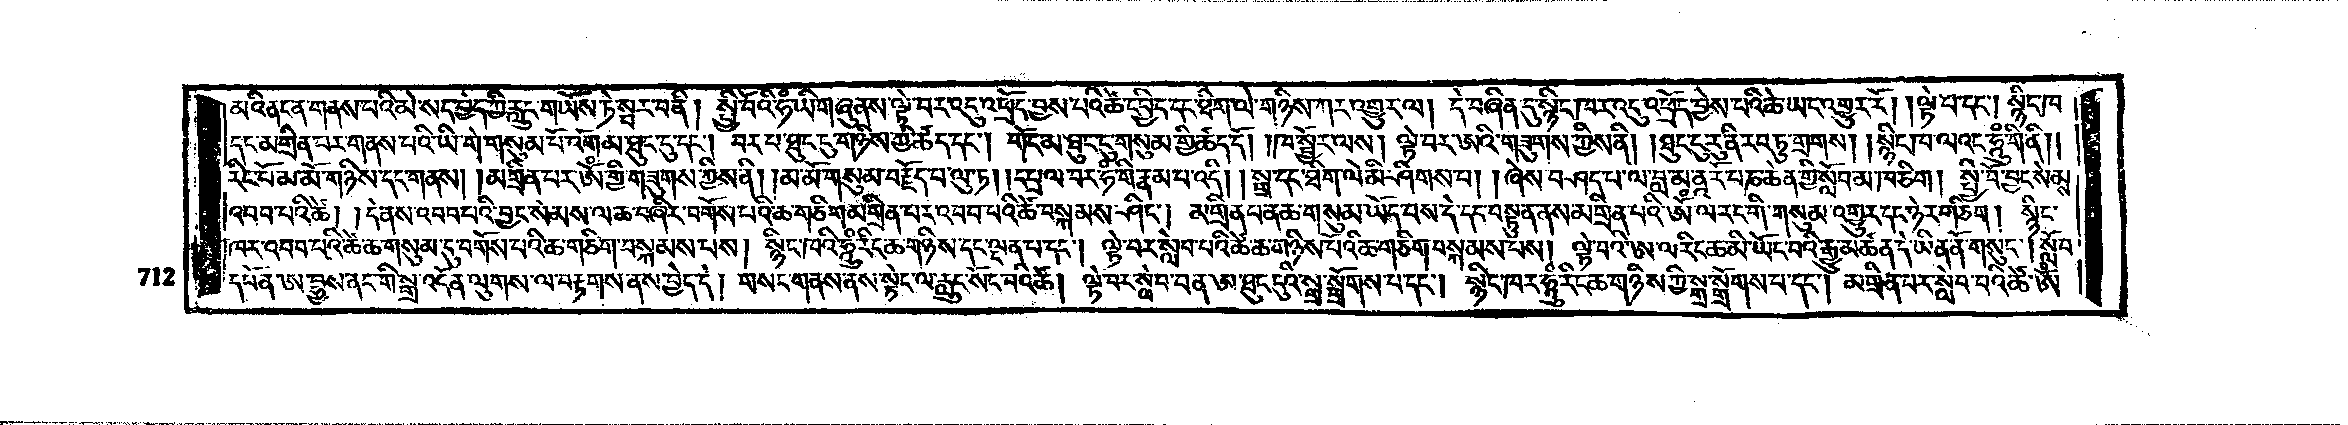མའི་ནང་ན་གནས་པའི་མེ་སད་བྱེད་ཀྱི་རླུང་གཡོས་ཏེ་སྦར་བ་ནི། སྤྱི་བོའི་ཧཾ་ཡིག་ཞུ་ནས་ལྟེ་བར་འདུ་འཕྲོད་བྱས་པའི་ཚེ་དཔྱིད་དང་ཐིག་ལེ་གཉིས་ཀར་འགྱུར་ལ། དེ་བཞིན་དུ་སྙིང་ཁར་འདུ་འཕྲོད་བྱས་པའི་ཚེ་ཡང་འགྱུར་རོ། །ལྟེ་བ་དང་། སྙིང་ཁ་
དང་མགྲིན་པར་གནས་པའི་ཡི་གེ་གསུམ་པོ་འོག་མ་ཐུང་དུ་དང་། བར་པ་ཐུང་དུ་གཉིས་ཀྱི་ཆད་དང་། གོང་མ་ཐུང་དུ་གསུམ་གྱི་ཚད་དོ། །ཁ་སྦྱོར་ལས། ལྟེ་བར་ཨཱི་གཟུགས་ཀྱིས་ནི། །ཐུང་དུ་རུ་ནི་རབ་ཏུ་གྲགས། །སྙིང་ཁ་ལའང་ཧཱུཾ་གི་ནི། །
རིང་པོ་མ་མོ་གཉིས་དང་གནས། །མགྲིན་པར་ཨོཾ་གྱི་གཟུགས་ཀྱིས་ནི། །མ་མེ་གསུམ་བརྗོད་པ་ལུ་ཏ། །དཔྲལ་བར་ཧཾ་གི་རྣམ་པ་འདི། །སྒྲ་དང་ཐིག་ལེ་མི་ཤིགས་པ། །ཞེས་བཤད་པ་ལ་བླ་མ་ནཱ་རེ་པཎ་ཆེན་གྱི་སློབ་མ་ཁ་ཅིག། སྤྱིད་བོ་བྱང་སེམས་
འབབ་པའི་ཚེ། །དེ་ནས་འབབ་པའི་བྱང་སེམས་ལ་ཆ་བཞིར་བགོས་པའི་ཆ་གཅིག་མགྲིན་པར་འབབ་པའི་ཚེ་བསྐབས་ཤིང་། མགྲིན་པ་ན་ཆ་གསུམ་ཡོད་པས་དེ་དང་བསྟུན་ནས་མགྲིན་པའི་ཨོཾ་ལ་རང་གི་གསུམ་འགྱུར་དང་ཉེར་གཅིག །སྙིང་
ཁར་འབབ་པའི་ཚེ་ཆ་གསུམ་དུ་བགོས་པའི་ཆ་གཅིག་བསྐམས་པས། སྙིང་ཁའི་ཧཱུཾ་རིང་ཆ་གཉིས་དང་ལྡན་པ་དང་། ལྟེ་བར་སླེབ་པའི་ཚེ་ཆ་གཉིས་པོའི་ཆ་གཅིག་བསྐམས་པས། ལྟེ་བའི་ཨ་ལ་རིང་ཆ་མི་ཡོང་བའི་རྒྱུ་མཚན་དེ་ཡིན་ནོ་གསུང་། སློབ་
དཔོན་ཨ་བྷྱས་ནང་གི་སྒྲ་འདོན་ལུགས་ལ་བརྟགས་ནས་བྱེད་དོ། གསང་གནས་ནས་སྟེང་ལ་རླུང་སོང་བའི་ཚེ། ལྟེ་བར་སླེབ་པ་ན་ཨ་ཐུང་དུའི་སྒྲ་སྒྲོགས་པ་དང་། སྙིང་ཁར་ཧཱུཾ་རིང་ཆ་གཉིས་ཀྱི་སྒྲ་སྒྲོགས་པ་དང་། མགྲིན་པར་སླེབ་པའི་ཚེ་ཨོཾ་